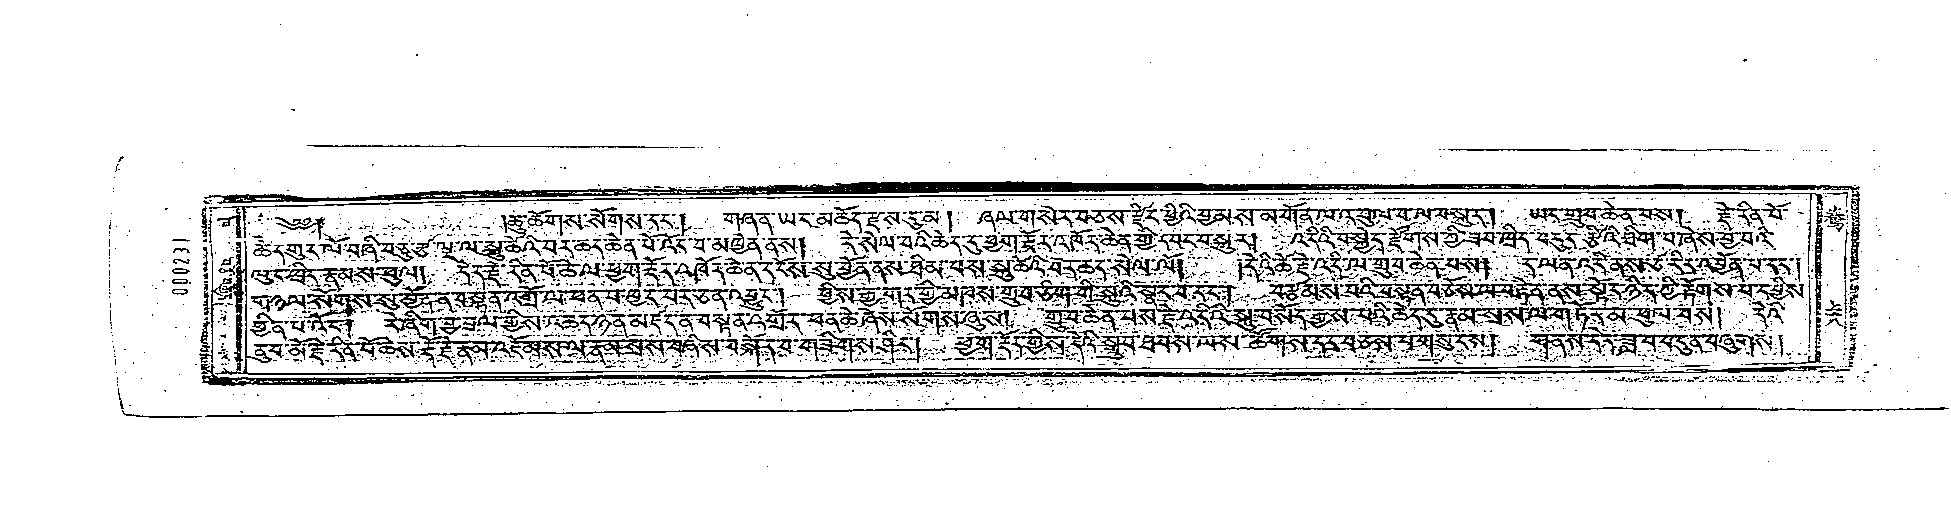༄༅། །ཆུ་ཆོགས་སོགས་དང་། གཞན་ཡང་མཆོད་རྫས་དུ་མ། ཞལ་གསེར་བཅས་རྫིད་ཕྱིའི་བྱམས་མགོན་ལ་འབུལ་བ་ལ་བསྐུར། ཡང་གྲུབ་ཆེན་བས། རྗེ་རིན་པོ་
ཆེད་གུང་ལོ་བཞི་བཅུ་རྩ་ལྔ་ལ་སྐུ་ཚེའི་བར་ཆད་ཆེན་པོ་འོང་བ་མཁྱེན་ནས། དེ་སེལ་བའི་ཆེད་དུ་ཕྱག་རྡོར་འཁོར་ཆེན་གྱི་དབང་བསྐུར། འདིའི་བསྐྱེད་རྫོགས་ཀྱི་ཟབ་ཁྲིད་བདུད་རྩིའི་ཐིག་པ་ཞེས་བྱ་བའི་
ལུང་ཁྲིད་རྣམས་ཕུལ། དེར་རྗེ་རིན་པོ་ཆེ་ལ་ཕྱག་རྡོར་འཁོར་ཆེན་དངོས་སུ་བྱོན་ནས་ཐིམ་པས་སྐུ་ཚེའི་བར་ཆད་སེལ་ལོ། །དེའི་ཚེ་རྗེ་འདི་ལ་གྲུབ་ཆེན་པས། ད་ལན་འདི་ནས་ཙ་རིང་འབྱོན་པ་དང་།
གཉལ་སོགས་སུ་བྱོན་ན་བསྟན་འགྲོ་ལ་ཕན་པ་ཁྱད་པར་ཅན་འབྱུང་། ཕྱིས་རྒྱ་གར་གྱི་མཁས་གྲུབ་ཅིག་གི་སྐུའི་སྣང་བ་དང་། བརྩམས་པའི་བསྟན་བཅོས་ལ་བརྟེན་ནས་སྟོང་ཉིད་ཀྱི་རྟོགས་པ་དཔྱིས་
ཕྱིན་པ་འོང་། རེ་ཞིག་བྱ་བྲལ་གྱིས་འཆད་ཉན་མཛད་ན་བསྟན་འགྲོར་ཕན་ཆེ་ཞེས་སོགས་ཞུས། གྲུབ་ཆེན་པས་རྗེ་འདིའི་སྐུ་བསོད་རྒྱས་པའི་ཆེད་དུ་རྣམ་སྲས་ལ་གཏོར་མ་ཕུལ་བས། དེའི་
ནུབ་མོ་རྗེ་རིན་པོ་ཆེས་རྡོ་རྗེ་རྣམ་འཇོམས་ལ་རྣམ་སྲས་བཞིས་བསྐོར་བ་གཟིགས་ཤིང་། ཕྱག་རྡོར་གྱིས་དེའི་སྒྲུབ་ཐབས་ལས་ཚོགས་དང་བཅས་པ་གསུངས། གནས་དེར་ཟླ་བ་བདུན་བཞུགས།